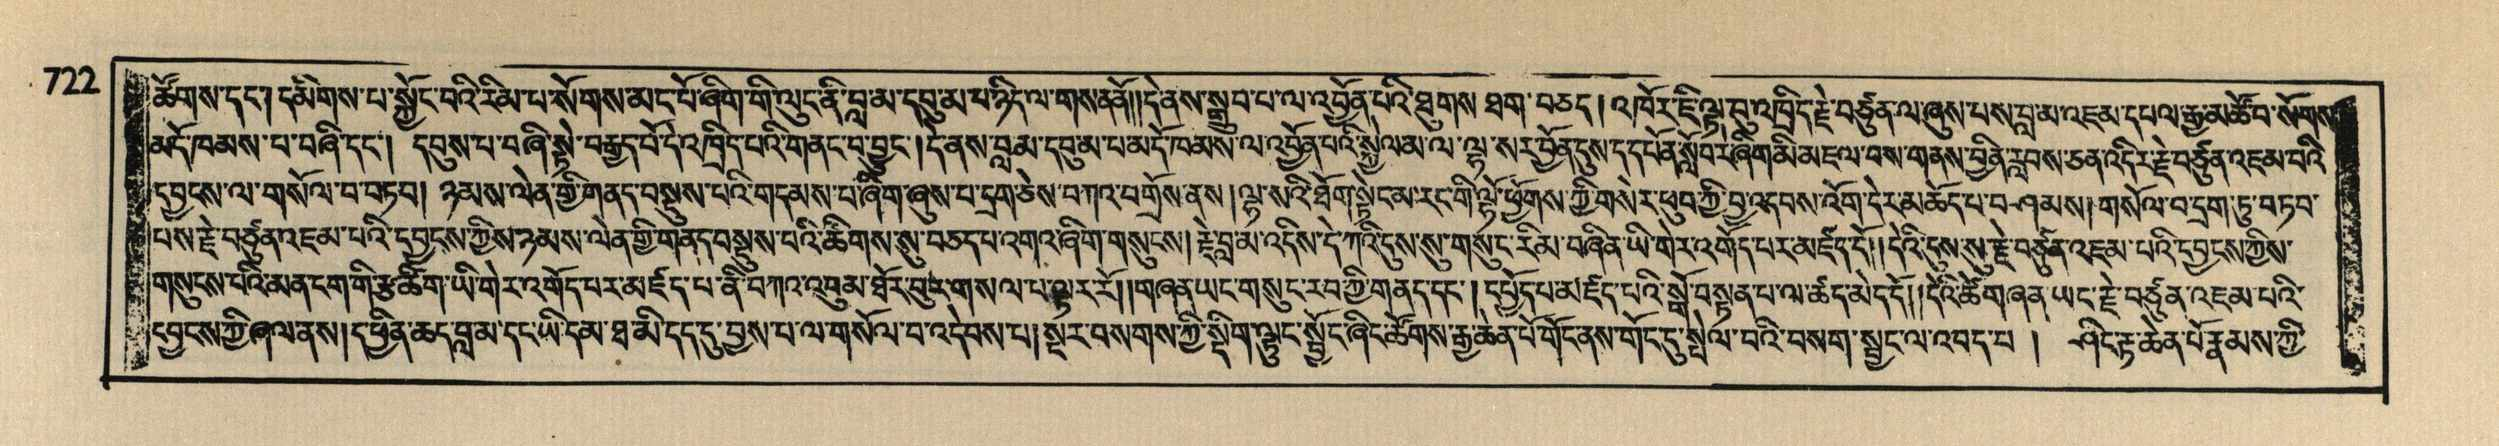ཚོགས་དང་། དམིགས་པ་སྐྱོང་བའི་རིམ་པ་སོགས་མང་པོ་ཞིག་གི་ལུང་ནི་བླ་མ་དབུ་མ་པ་ཉིད་ལ་གསན་ནོ། །དེ་ནས་སྒྲུབ་པ་ལ་འབྱོན་པའི་ཐུགས་ཐག་བཅད། འཁོར་ཇི་ལྟ་བུ་འཁྲིད་རྗེ་བཙུན་ལ་ཞུས་པས་བླ་མ་འཇམ་དཔལ་རྒྱ་མཚོ་བ་སོགས་
མདོ་ཁམས་པ་བཞི་དང་། དབུས་པ་བཞི་སྟེ་བརྒྱད་པོ་དེ་འཁྲིད་པའི་གནང་བ་བྱུང་།དེ་ནས་བླ་མ་དབུ་མ་པ་མདོ་ཁམས་ལ་འབྱོན་པའི་སྐྱེལ་མ་ལ་ལྷ་སར་བྱོན་དུས་ད་དཔོན་སློབ་རེ་ཞིག་མི་མཇལ་བས་གནས་བྱིན་རླབས་ཅན་འདིར་རྗེ་བཙུན་འཇམ་པའི་
དབྱངས་ལ་གསོལ་བ་བཏབ། ཉམས་ལེན་གྱི་གནད་བསྡུས་པའི་གདམས་པ་ཞིག་ཞུས་པ་དྲག་ཅེས་བཀའ་བགྲོས་ནས། ལྷ་སའི་ཐོག་སྟེང་མ་རང་གི་ལྷོ་ཕྱོགས་ཀྱི་གསེར་ཕུབ་ཀྱི་བྱ་འདབས་འོག་དེར་མཆོད་པ་བཤམས། གསོལ་བ་དྲག་ཏུ་བཏབ་
པས་རྗེ་བཙུན་འཇམ་པའི་དབྱངས་ཀྱིས་ཉམས་ལེན་གྱི་གནད་བསྡུས་པའི་ཚིགས་སུ་བཅད་པ་འགའ་ཞིག་གསུངས། རྗེ་བླ་མ་འདིས་དེ་ཀའི་དུས་སུ་གསུང་རིམ་བཞིན་ཡི་གེར་འགོད་པར་མཛད་དོ། །དེའི་དུས་སུ་རྗེ་བཙུན་འཇམ་པའི་དབྱངས་ཀྱིས་
གསུངས་པའི་མན་ངག་གི་རྩ་ཚིག་ཡི་གེར་འགོད་པར་མཛད་པ་ནི་བཀའ་འབུམ་ཐོར་བུར་གསལ་པ་ལྟར་རོ། །གཞན་ཡང་གསུང་རབ་ཀྱི་གནད་དང་། དཔྱོད་པ་མཛད་པའི་སྒོ་བསྟན་པ་ལ་ཚད་མེད་དོ། །དེའི་ཚེ་གཞན་ཡང་རྗེ་བཙུན་འཇམ་པའི་
དབྱངས་ཀྱི་ཞལ་ནས། ད་ཕྱིན་ཆད་བླ་མ་དང་ཡི་དམ་ཐ་མི་དད་དུ་བྱས་པ་ལ་གསོལ་བ་འདེབས་པ། སྔར་བསགས་ཀྱི་སྡིག་ལྟུང་སྦྱོང་ཞིང་ཚོགས་རྒྱ་ཆེན་པོ་གོང་ནས་གོང་དུ་སྤེལ་བའི་བསག་སྦྱང་ལ་འབད་པ། ཤིང་རྟ་ཆེན་པོ་རྣམས་ཀྱི་